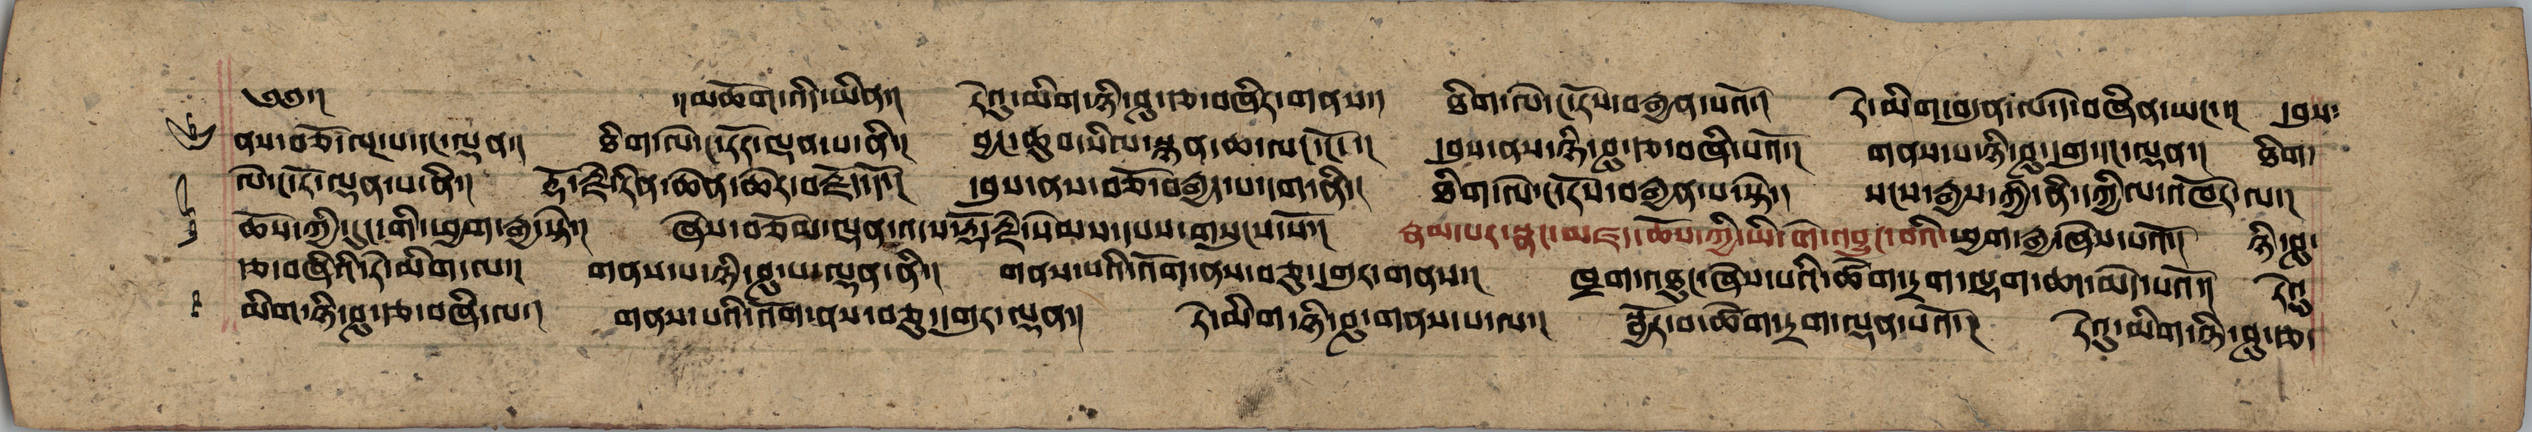༄༅་། ་།མཆོག་འདི་ཡིན་། རེའུ་མིག་ཉི་ཤུ་རྩ་བཞིར་གནས་། ཐིག་ལེ་ང་རོས་བརྒྱན་པའོ་། རེ་མིག་བདུན་ལ་དེ་བཞིན་ཡང་་། དབུས་
ནས་བཅོ་ལྔ་པ་དང་ལྡན་། ཐིག་ལེ་ང་རོར་ལྡན་པ་ནི་། བྱང་ཆུབ་སིལ་སྙན་ཆ་ལང་ངོ་་། དབུས་ནས་ཉི་ཤུ་རྩ་བཞི་པའོ་། གནས་པ་ཉི་ཤུ་དགུ་དང་ལྡན་། ཐིག་
ལེ་ང་རོ་ལྡན་པ་ནི་། རྡོ་རྗེ་རིན་ཆེན་ཆེར་བརྗོད་དོ་། དབུས་ནས་བཅོ་བརྒྱད་པ་དག་ནི་། ཐིག་ལེ་ང་རོས་བརྒྱན་པ་སྟེ་། སངས་རྒྱས་ཀྱི་ནི་དཀྱིལ་འཁོར་ལ་།
ཆོས་ཀྱི་དུང་གི་ཕྱག་རྒྱ་སྟེ་། ཞེས་བཅོམ་ལྡན་འདས་རྡོ་རྗེ་སེམས་དཔས་གསུངས་སོ་། རྣམ་པར་སྣང་མཛད་ཆོས་ཀྱི་ཡི་གེ་འབྱུང་བའི་ཕྱག་རྒྱ་ཞེས་པའོ་། ཉི་ཤུ་
རྩ་བཞིའི་རེ་མིག་ལ་། གནས་པ་ཉི་ཤུ་པ་ལྡན་ནི་། གནས་པའི་འོག་ནས་བཅུ་དགུར་གནས་། ཁྲག་འཐུང་ཞེས་པའི་ཚེག་དྲག་ལྷག་ཆད་མེད་པའོ་། རེའུ་
མིག་ཉི་ཤུ་རྩ་བཞི་ལ་། གནས་པའི་འཽག་ནས་བཅུ་དགུར་ལྡན་། རེ་མིག་ཉི་ཤུ་གནས་པ་ལ་། སྦྱོར་བ་ཚེག་དྲག་ལྡན་པའོ་། རེའུ་མིག་ཉི་ཤུ་རྩ་